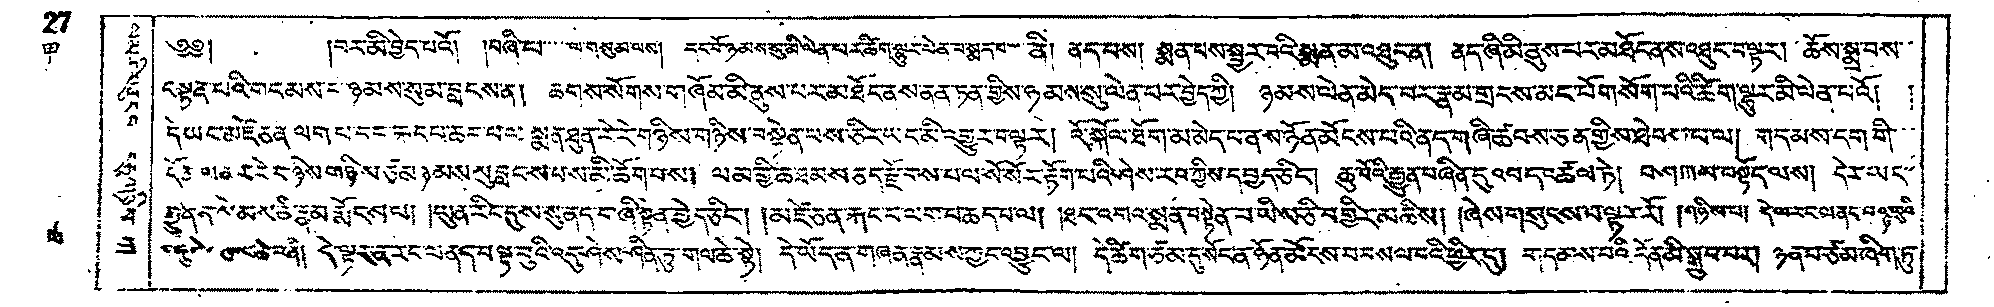༄༅། །བར་མི་བྱེད་པའོ། །བཞི་པལ་གསུམ་ལས། དང་པོ་ཉམས་སུ་མི་ལེན་པར་ཚིག་ལྷུར་ལེན་པ་སྨད་པནི། ནད་པས། སྨན་པས་སྦྱར་བའི་སྨན་མ་འཐུང་ན། ནད་ཞི་མི་ནུས་པར་མཐོང་ནས་འཐུང་བ་ལྟར། ཆོས་སྨྲ་བས་
བསྟན་པའི་གདམས་པ་ཉམས་སུ་མ་བླངས་ན། ཆགས་སོགས་གཞོམ་མི་ནུས་པར་མཐོང་ནས་ནན་ཏན་གྱིས་ཉམས་སུ་ལེན་པར་བྱེད་ཀྱི། ཉམས་ལེན་མེད་པར་རྣམ་གྲངས་མང་པོ་གསོག་པའི་ཚིག་ལྷུར་མི་ལེན་པའོ། །
དེ་ཡང་མཛེ་ཅན་ལག་པ་དང་རྐང་པ་ཆད་པ་ལ་སྨན་ཐུན་རེ་རེ་གཉིས་གཉིས་བསྟེན་པས་ཅིར་ཡང་མི་འགྱུར་བ་ལྟར། འོ་སྐོལ་ཐོག་མ་མེད་པ་ནས་ཉོན་མོངས་པའི་ནད་གཞི་ཚབས་ཅན་གྱིས་ཐེབས་པ་ལ། གདམས་ངག་གི་
དོན་ཡན་ར་རེ་གཉིས་གཉིས་ཙམ་ཉམས་སུ་བླངས་པས་མི་ཆོག་པས། ལམ་གྱི་ཆ་ཐམས་ཅད་རྫོགས་པ་ལ་སོ་སོར་རྟོག་པའི་ཤེས་རབ་ཀྱིས་དཔྱད་ཅིང་། ཆུ་བོའི་རྒྱུན་བཞིན་དུ་འབད་འཚལ་ཏེ། བཤཀམ་བསྟོད་ལས། དེར་ཡང་
རྒྱུན་ན་སེམས་ཅི་རྣམ་རྨོངས་ལ། །ཡུན་རིང་དུས་སུ་ནད་གཞི་སྟེན་བྱེད་ཅིང་། །མཛེ་ཅན་རྐང་པ་ལག་པ་ཆད་པ་ལ། །ཐང་འགའ་སྨན་བསྟེན་པ་ཡིས་ཅི་བགྱིར་མཆིས། །ཞེས་གསུངས་པ་ལྟར་རོ། །གཉིས་པ། དེ་ལ་རང་ལ་ནད་པ་ལྟ་བུའི་
བཏུང་?་ཆེ་བ་ནི། དེ་ལྟར་ན་རང་ལ་ནད་པ་ལྟ་བུའི་འདུ་ཤེས་ཤིན་ཏུ་གལ་ཆེ་སྟེ། དེ་ཡོད་ན་གཞན་རྣམས་ཀྱང་འབྱུང་ལ། དེ་ཚིག་ཙམ་དུ་སོང་ན་ཉོན་མོངས་པ་བསལ་བའི་ཕྱིར་དུ། གདམས་པའི་དོན་མི་སྒྲུབ་པར། ཉན་པ་ཙམ་ཞིག་ཏུ་